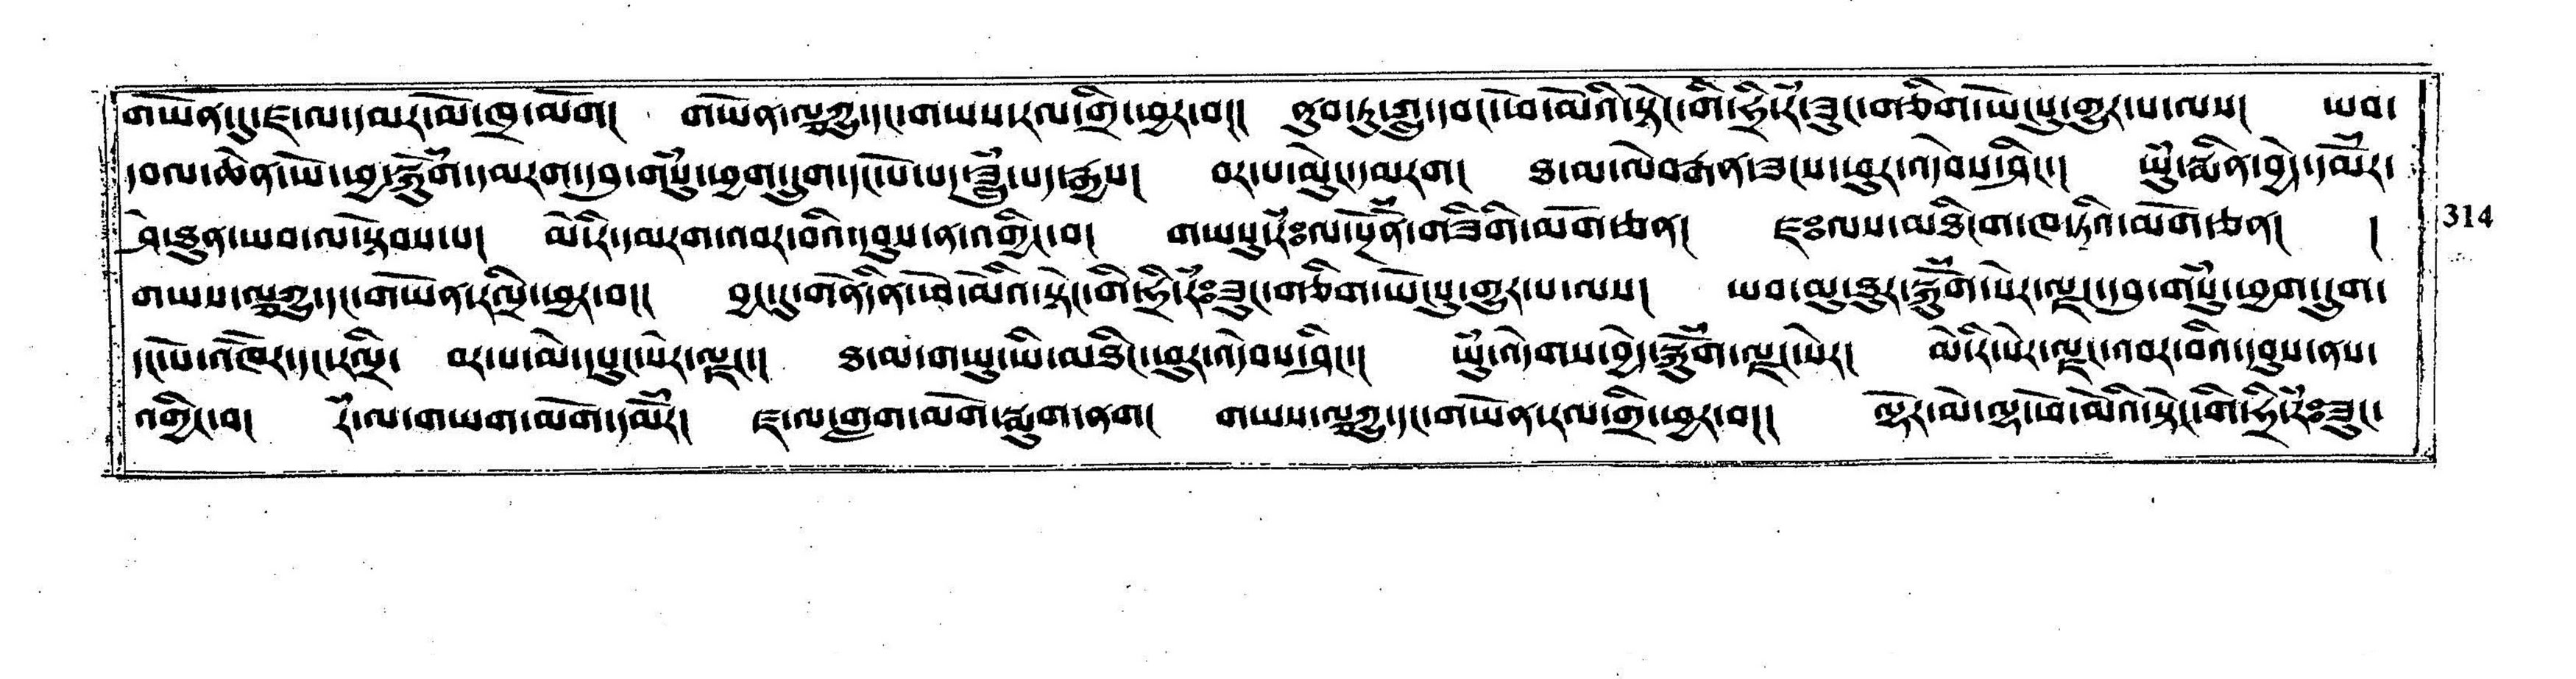གཡོན་དུ་ཛ་ལ་དམར་མོ་ཁྲ་མགོ གཡོན་ལྕག་ཀྱུ་དང་གཡས་རལ་གྲི་ཕྱར་བ།། ནུབ་ཏུ་ཀླུ་དབང་ཕོ་མོའི་སྟེང་གི་ཧྲི་རཾ་ཟུང་གཅིག་ཡོངས་སུ་གྱུར་པ་ལས། ཡབ་
དབལ་ཆེན་ཡོ་ཕྱ་སྐུ་མདོག་དམར་ནག་དབུ་གསུམ་ཕྱག་དྲུག་དང་པོ་པད་ཟླུམ་པད་རྒྱས། བར་པ་མེ་དཔུང་དམར་ནག ཐ་མ་ལེབ་རྒན་ཟངས་ཕུར་འདེབས་ཤིང་། ཡུམ་སྨིན་བྱེད་དམར་མོ་
ཤེ་ཐུན་ཡབ་ལ་སྟོབས་པ། མེ་རི་དམར་ནག་འབར་བའི་དབུས་ན་འགྱིང་བ། གཡས་སུ་རཾཿལ་སྔོན་མོ་གཟིག་གི་མགོ་ཅན། ཛཿལས་མཐིང་ནག་ཁ་ཏའི་མགོ་ཅན། 
གཡས་ལྕག་ཀྱུ་དང་གཡོན་རལ་གྲི་ཕྱར་བ།། བྱང་དུ་གནོད་སྦྱིན་ཕོ་མོའི་སྟེང་གི་ཧྲི་རཾཿཟུང་གཅིག་ཡོངས་སུ་གྱུར་པ་ལས། ཡབ་མུ་ཐུར་སྐུ་མདོག་སེར་ལྗང་དབུ་གསུམ་ཕྱག་དྲུག་
དང་པོ་འཁོར་ལོ་དང་རལ་གྲི་བར་པ་མེ་དཔུང་སེར་ལྗང་། ཐ་མ་གཡུ་ཡི་མཐིང་ཕུར་འདེབས་ཤིང་། ཡུམ་འདེགས་བྱེད་སྐུ་མདོག་ལྗང་སེར། མེ་རི་སེར་ལྗང་འབར་བའི་དབུས་ནས་
འགྱིང་བ། རཾ་ལ་གཡག་མགོ་དམར་མོ། ཛ་ལ་གླག་མགོ་སྨུག་ནག གཡས་ལྕག་ཀྱུ་དང་གཡོན་རལ་གྲི་ཕྱར་བ། ལྷོར་མེ་ལྷ་ཕོ་མོའི་སྟེང་གི་ཧྲི་རཾཿཟུང་